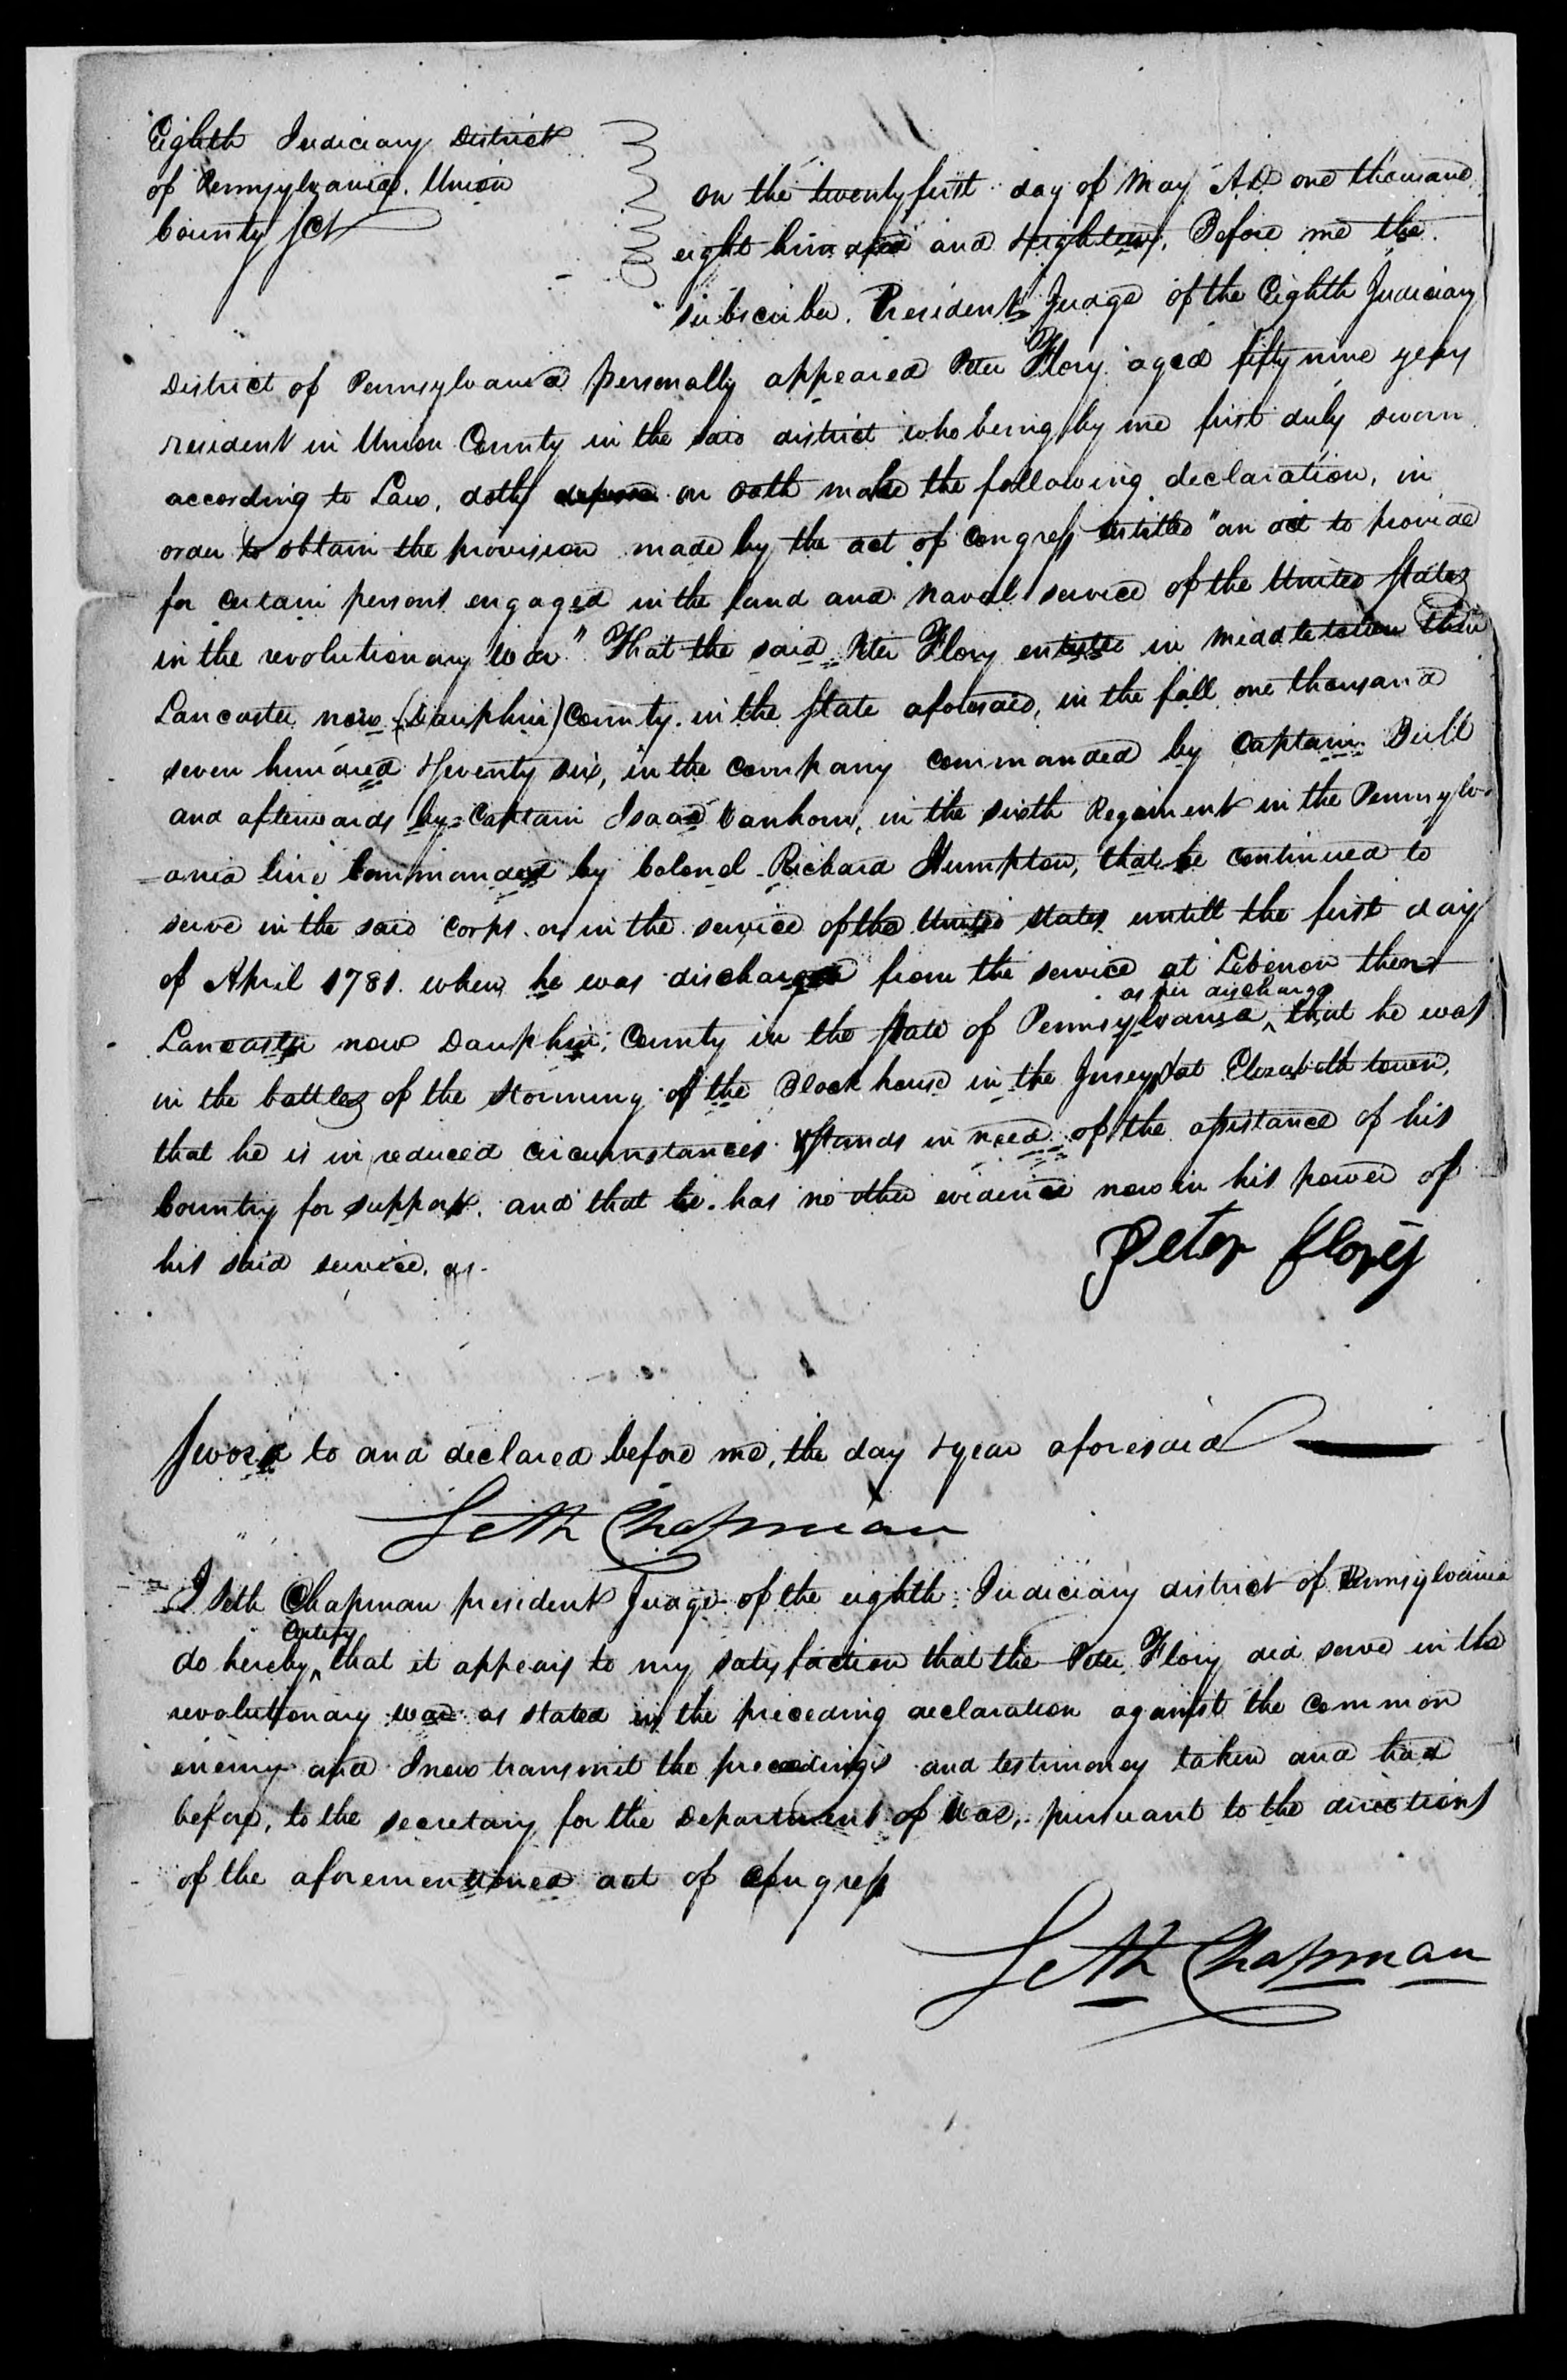Eighth Judiciary District
Of Pennsylvania, Union County Jct.}
on the twenty first day of May A.D. one thousand eight him and eighteen, Before me the subscriber President Judge of the Eighth Judiciary District of Pennsylvania personally appeared Peter Mary aged fifty nine years resident in Union County in the said district who being by me first duly sworn according to Law, doth depose on oath make the following declaration, in order to obtain the provision made by the act of congress entitled "an act to provide for certain persons engaged in the land and naval service of the United States in the revolutionary war”. That the said Peter Flory enlisted in Middletown then  Lancaster now Dauphin County in the State aforesaid, in the fall one thousand seven hundred & seventy six, in the company commanded by Captain Bull and afterwards by Captain Isaac Vanhorn, in the sixth Regiment in the Pennsylvania line commanded by Colonel Richard Humpton, that he continued to serve in the said Corps or in the service of the United States untill the first day of April 1781 when he was discharged from the service at Lebanon then Lancaster now Dauphin County in the State of Pennsylvania as his discharge that he was in the battles of the storming of the Block house in the Jersey at Elizabeth town, that he is in reduced circumstances & stands in need of the assistance of his Country for support and that he has no other evidence now in his power of his said service as
Peter Flory
Sworn to and declared before me, the day & year aforesaid
Seth Chapman
I Seth Chapman President Judge of the eighth Judiciary district of Pennsylvania do hereby certify that it appears to my satisfaction that the Peter Flory did serve in the revolutionary war as stated in the preceding declaration against the common enemy and I now transmit the preceedings and testimony taken and had before, to the Secretary for the Department of war, pursuant to the directions of the aforementioned act of congress
Seth Chapman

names: Seth Chapman, Bull, Richard Humpton, Peter Flory, Seth Chapman, Isaac Vanhorn, Peter Flory, Peter Flory, Peter Flory, Seth Chapman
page: 6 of 11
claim: survivor's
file: S. 42,197, Peter Flory, Penn.